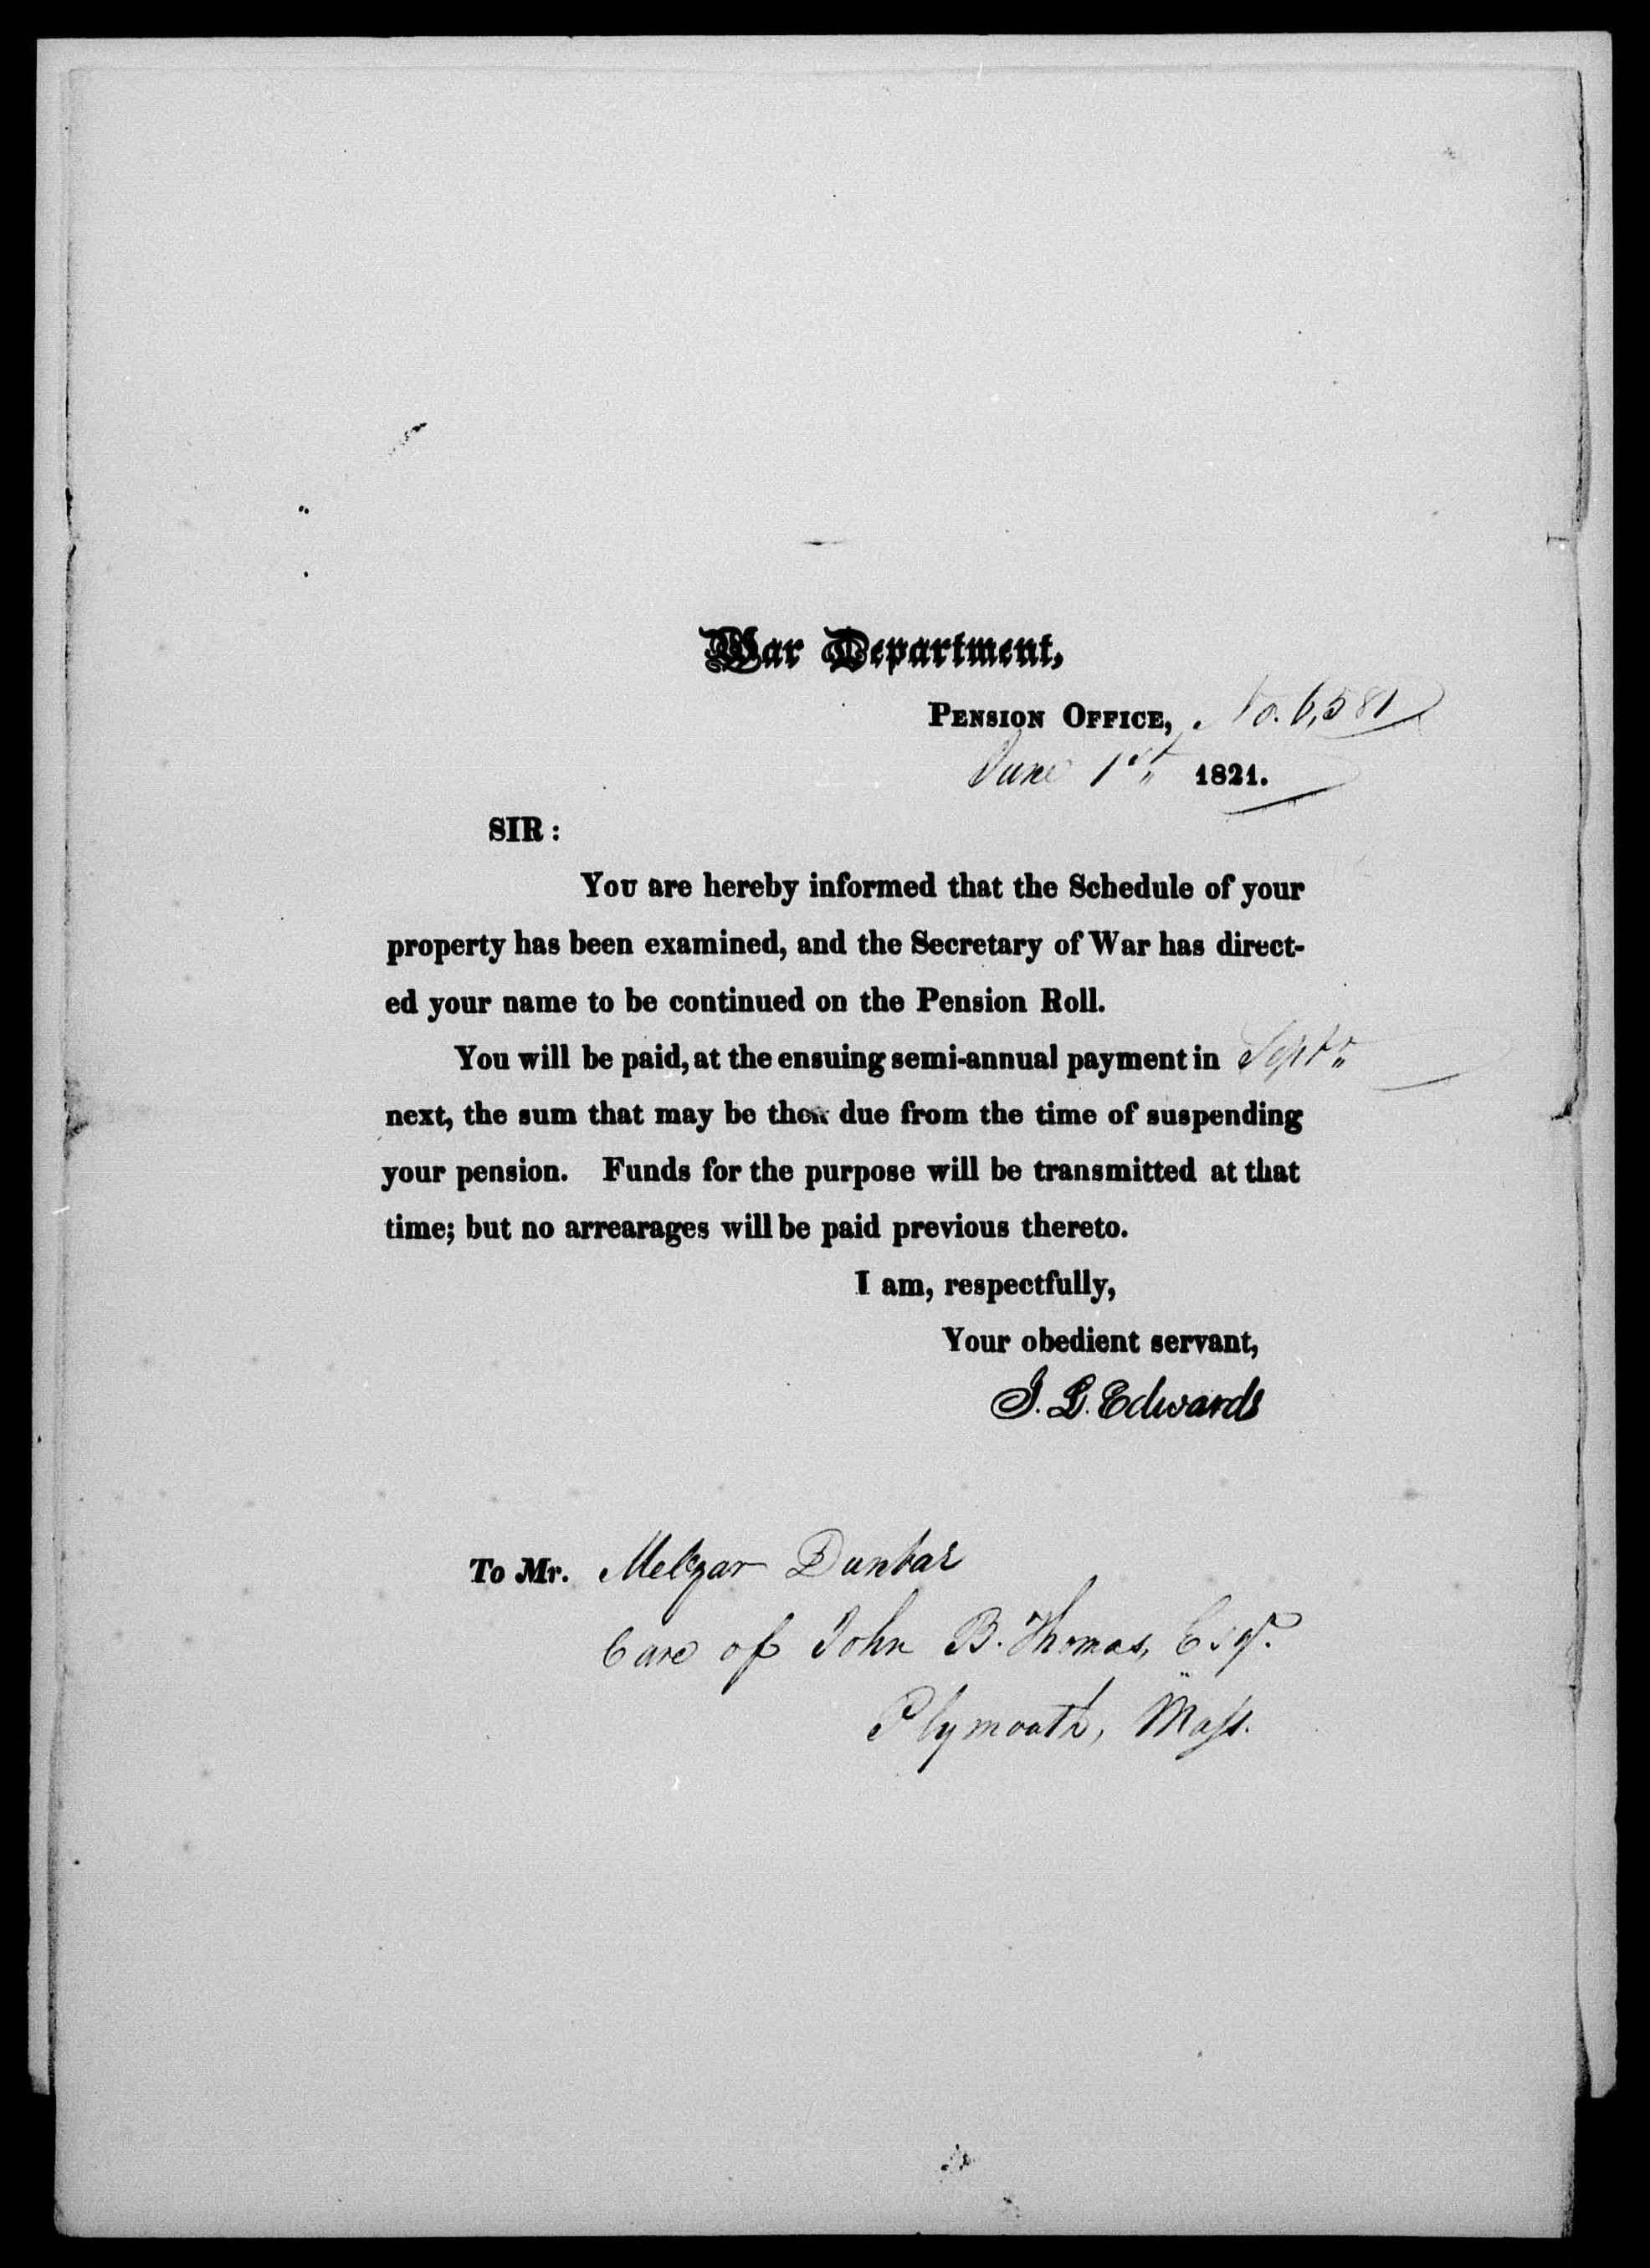War Department

Pension Office, No. 6581
June 1st, 1821


SIR:

You are hereby informed that the Schedule of your property has been examined, and the Secretary of War has directed your name to be continued on the Pension Roll.
You will be paid, at the ensuing semi-annual payments in Sept. next, the sum that may be then due from the time of suspending your pension. Funds for the purpose will be transmitted at that time; but no arrearages will be paid previous thereto.

I am, respectfully,
Your obedient servant,
J.L. Edwards


To Mr. Melzar Dunbar
Care of John B. Thomas Esq.
Plymouth, Mass.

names: John B Thomas, Mebzar Dunbar, J L Edwards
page: 20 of 26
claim: widow's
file: W. 14657, Melzar Dunbar, Mass.